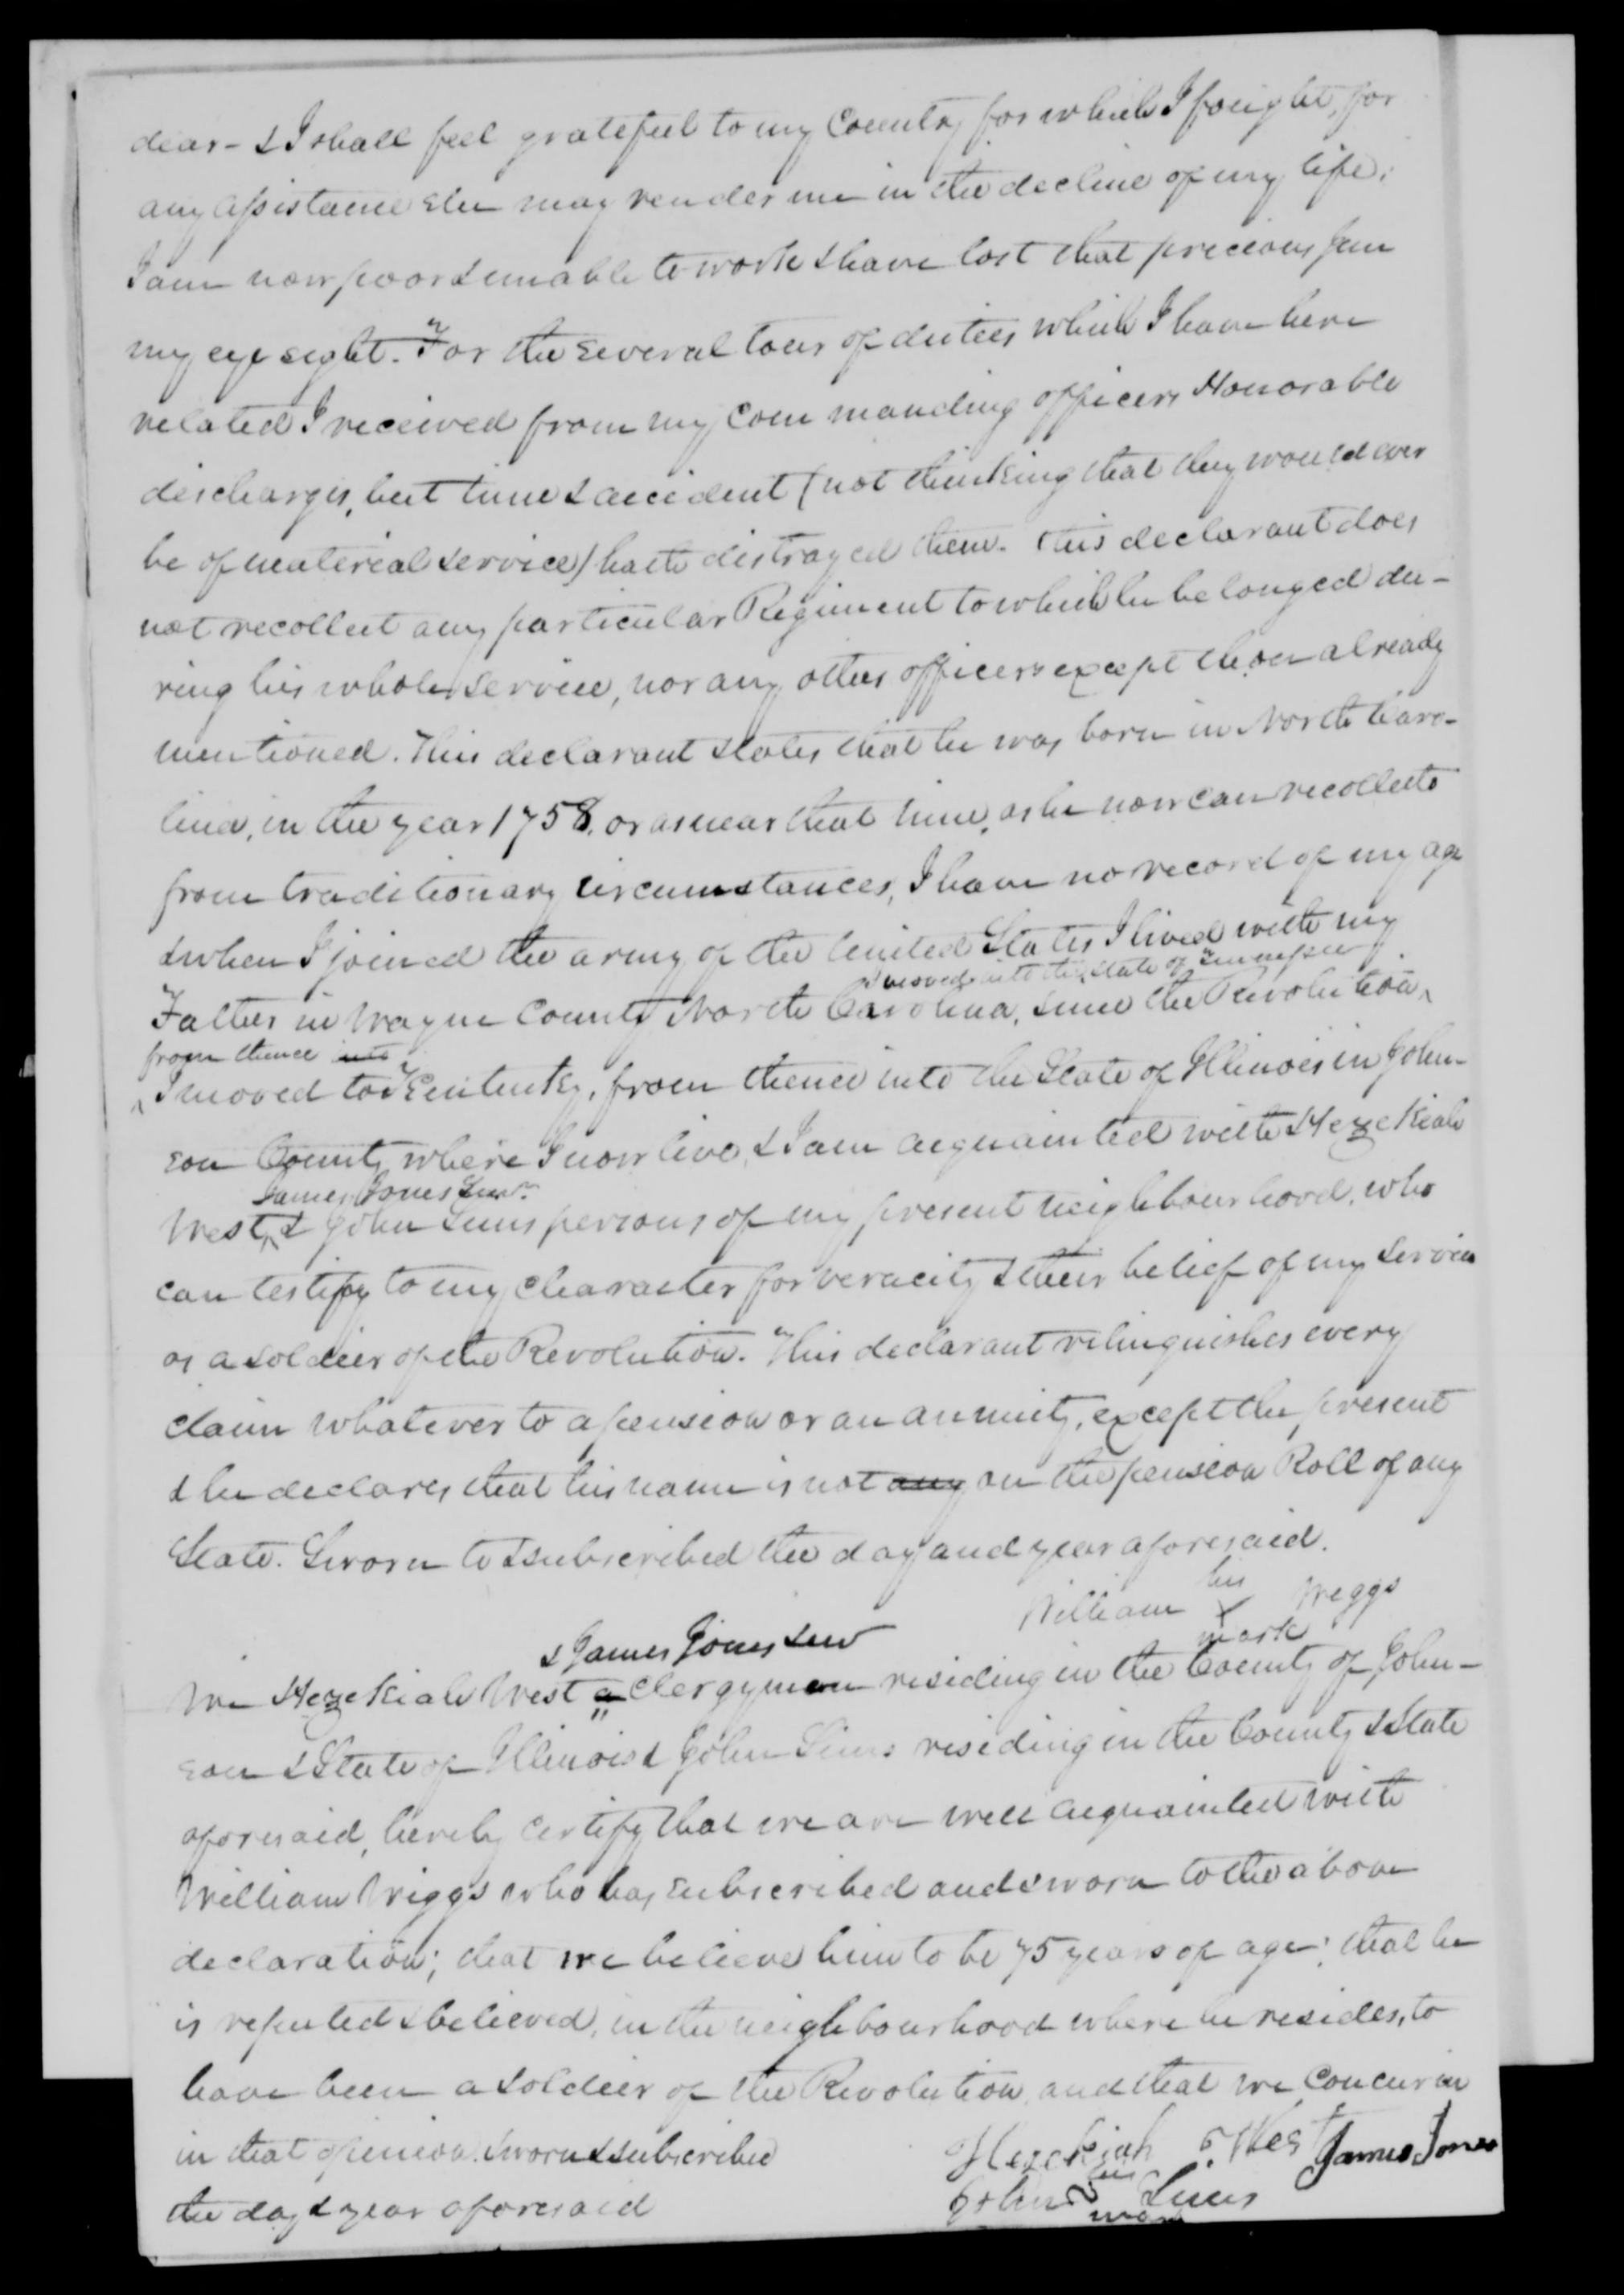dear - I shall feel grateful to my country for which I fought, for any assistance she may render me in the decline of my life: I am now poor & unable to work. I have lost that precious [illegible] my eye sight. For the several tour of duties which I have here related I received from my commanding officers Honorable
discharges, but time & accident (not thinking that they would ever be of material service) hath distroyed them.  this declarant does not recollect any particular Regiment to which he belonged during his whole service, nor any other officers except those already mentioned. This declarant states that he was born in North Carolina the year 1758 or anear that time, as he now can recollect from traditionary circumstances, I have no record of my age when I joined the army of the United States. I lived with my
Father in Wayne County North Carolina I moved into the state of Tennessee since the Revolution from thence I moved to Kentucky, from thence into the State of Illinois in Johnson County where I now live & I am acquainted with Hezekiah West, James Jones Senr & John Sims persons of my present neighbourhood, who can testify to my character for veracity & their belief of my service as a soldier of the Revolution. This declarant relinquishes every claim whatever to a pension or an annuity, except the present & he declares that his name is not on the pension Roll of any State. Sworn to subscribed the day and year aforesaid

His
William  X  Wiggs
mark

We Hezekiah West & James Jones Sen clergymen residing in the County of Johnson, State of Illinois John Sims residing in the County & State aforesaid, hereby certify that we are well acquainted with
William Wiggs who has subscribed and sworn to the above declaration; that we believe him to be 75 years of age that he is reputed & believed, in the neighbourhood where he resides, to have been a soldier of the Revolution and that we concur in in that  opinion  Sworn  & subscribed
the day year aforesaid
Hezekiah West
 James Jones

his
John  X  Sims
Mark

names: Hezekiah West, James Jones, William Wiggs, John Sims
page: 9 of 31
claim: survivor's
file: S. 32608, William Wiggs, N.C.